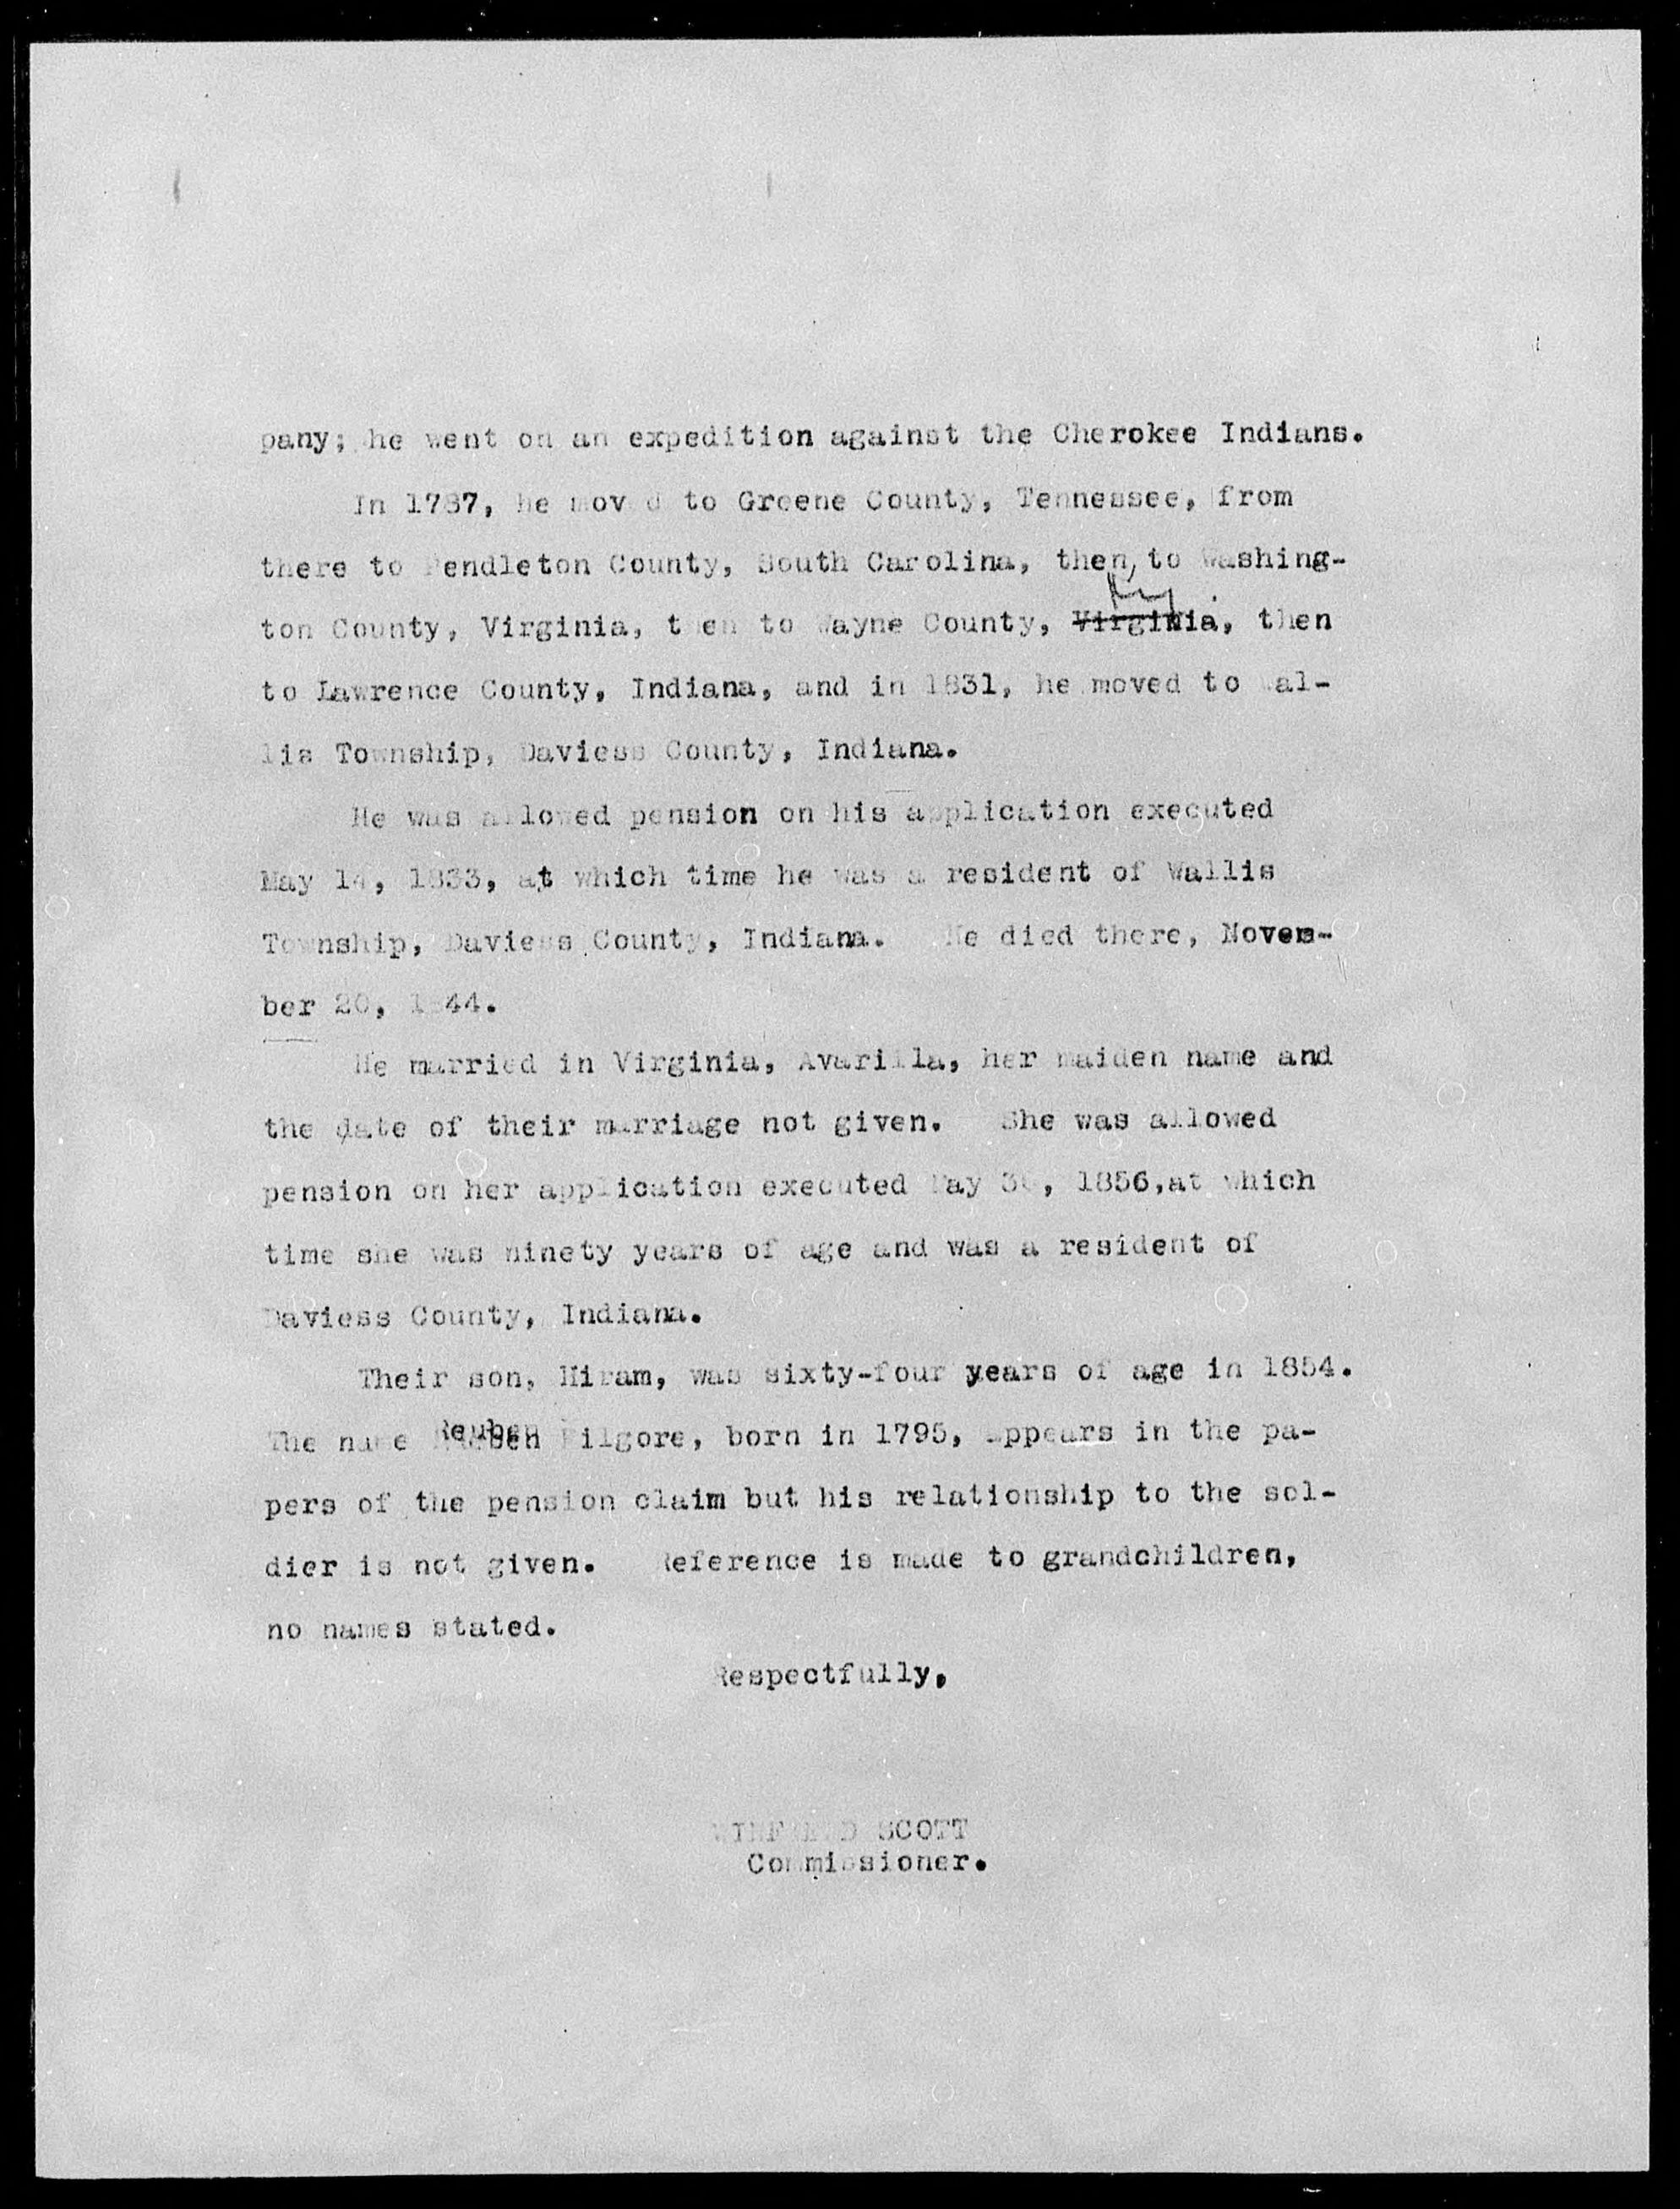pany; he went on an expedition against the Cherokee Indians.
In 1787, he moved to Greene County, Tennessee, from there to Pendleton County, South Carolina, then to Washington County, Virginia, then to Wayne County, [crossed out: Virginia] Ky, then to Lawrence County, Indiana, and in 1831, he moved to Wallis Township, Daviess County, Indiana.
He was allowed pension on his application executed May 14, 1833, at which time he was a resident of Wallis Township, Daviess County, Indiana. He died there, November 28, 144.
He married in Virginia, Amarilla, her maiden name and the date of their marriage not given. She was allowed pension on her application executed May 30, 1856,at which time she was ninety years of age and was a resident of Daviess County, Indiana.
Their son, Hiram, was sixty-four years of age in 1854. The name Reuben Kilgore, born in 1795, appears in the papers of the pension claim but his relationship to the soldier is not given. Reference is made to grandchildren, no names stated.
Respectfully,
WINFIELD SCOTT
Commissioner.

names: Hiram [BLANK]; Reuben Kilgore; Winfield Scott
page: 105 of 115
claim: survivor's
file: S. 699, for Charles Kilgore, Virginia